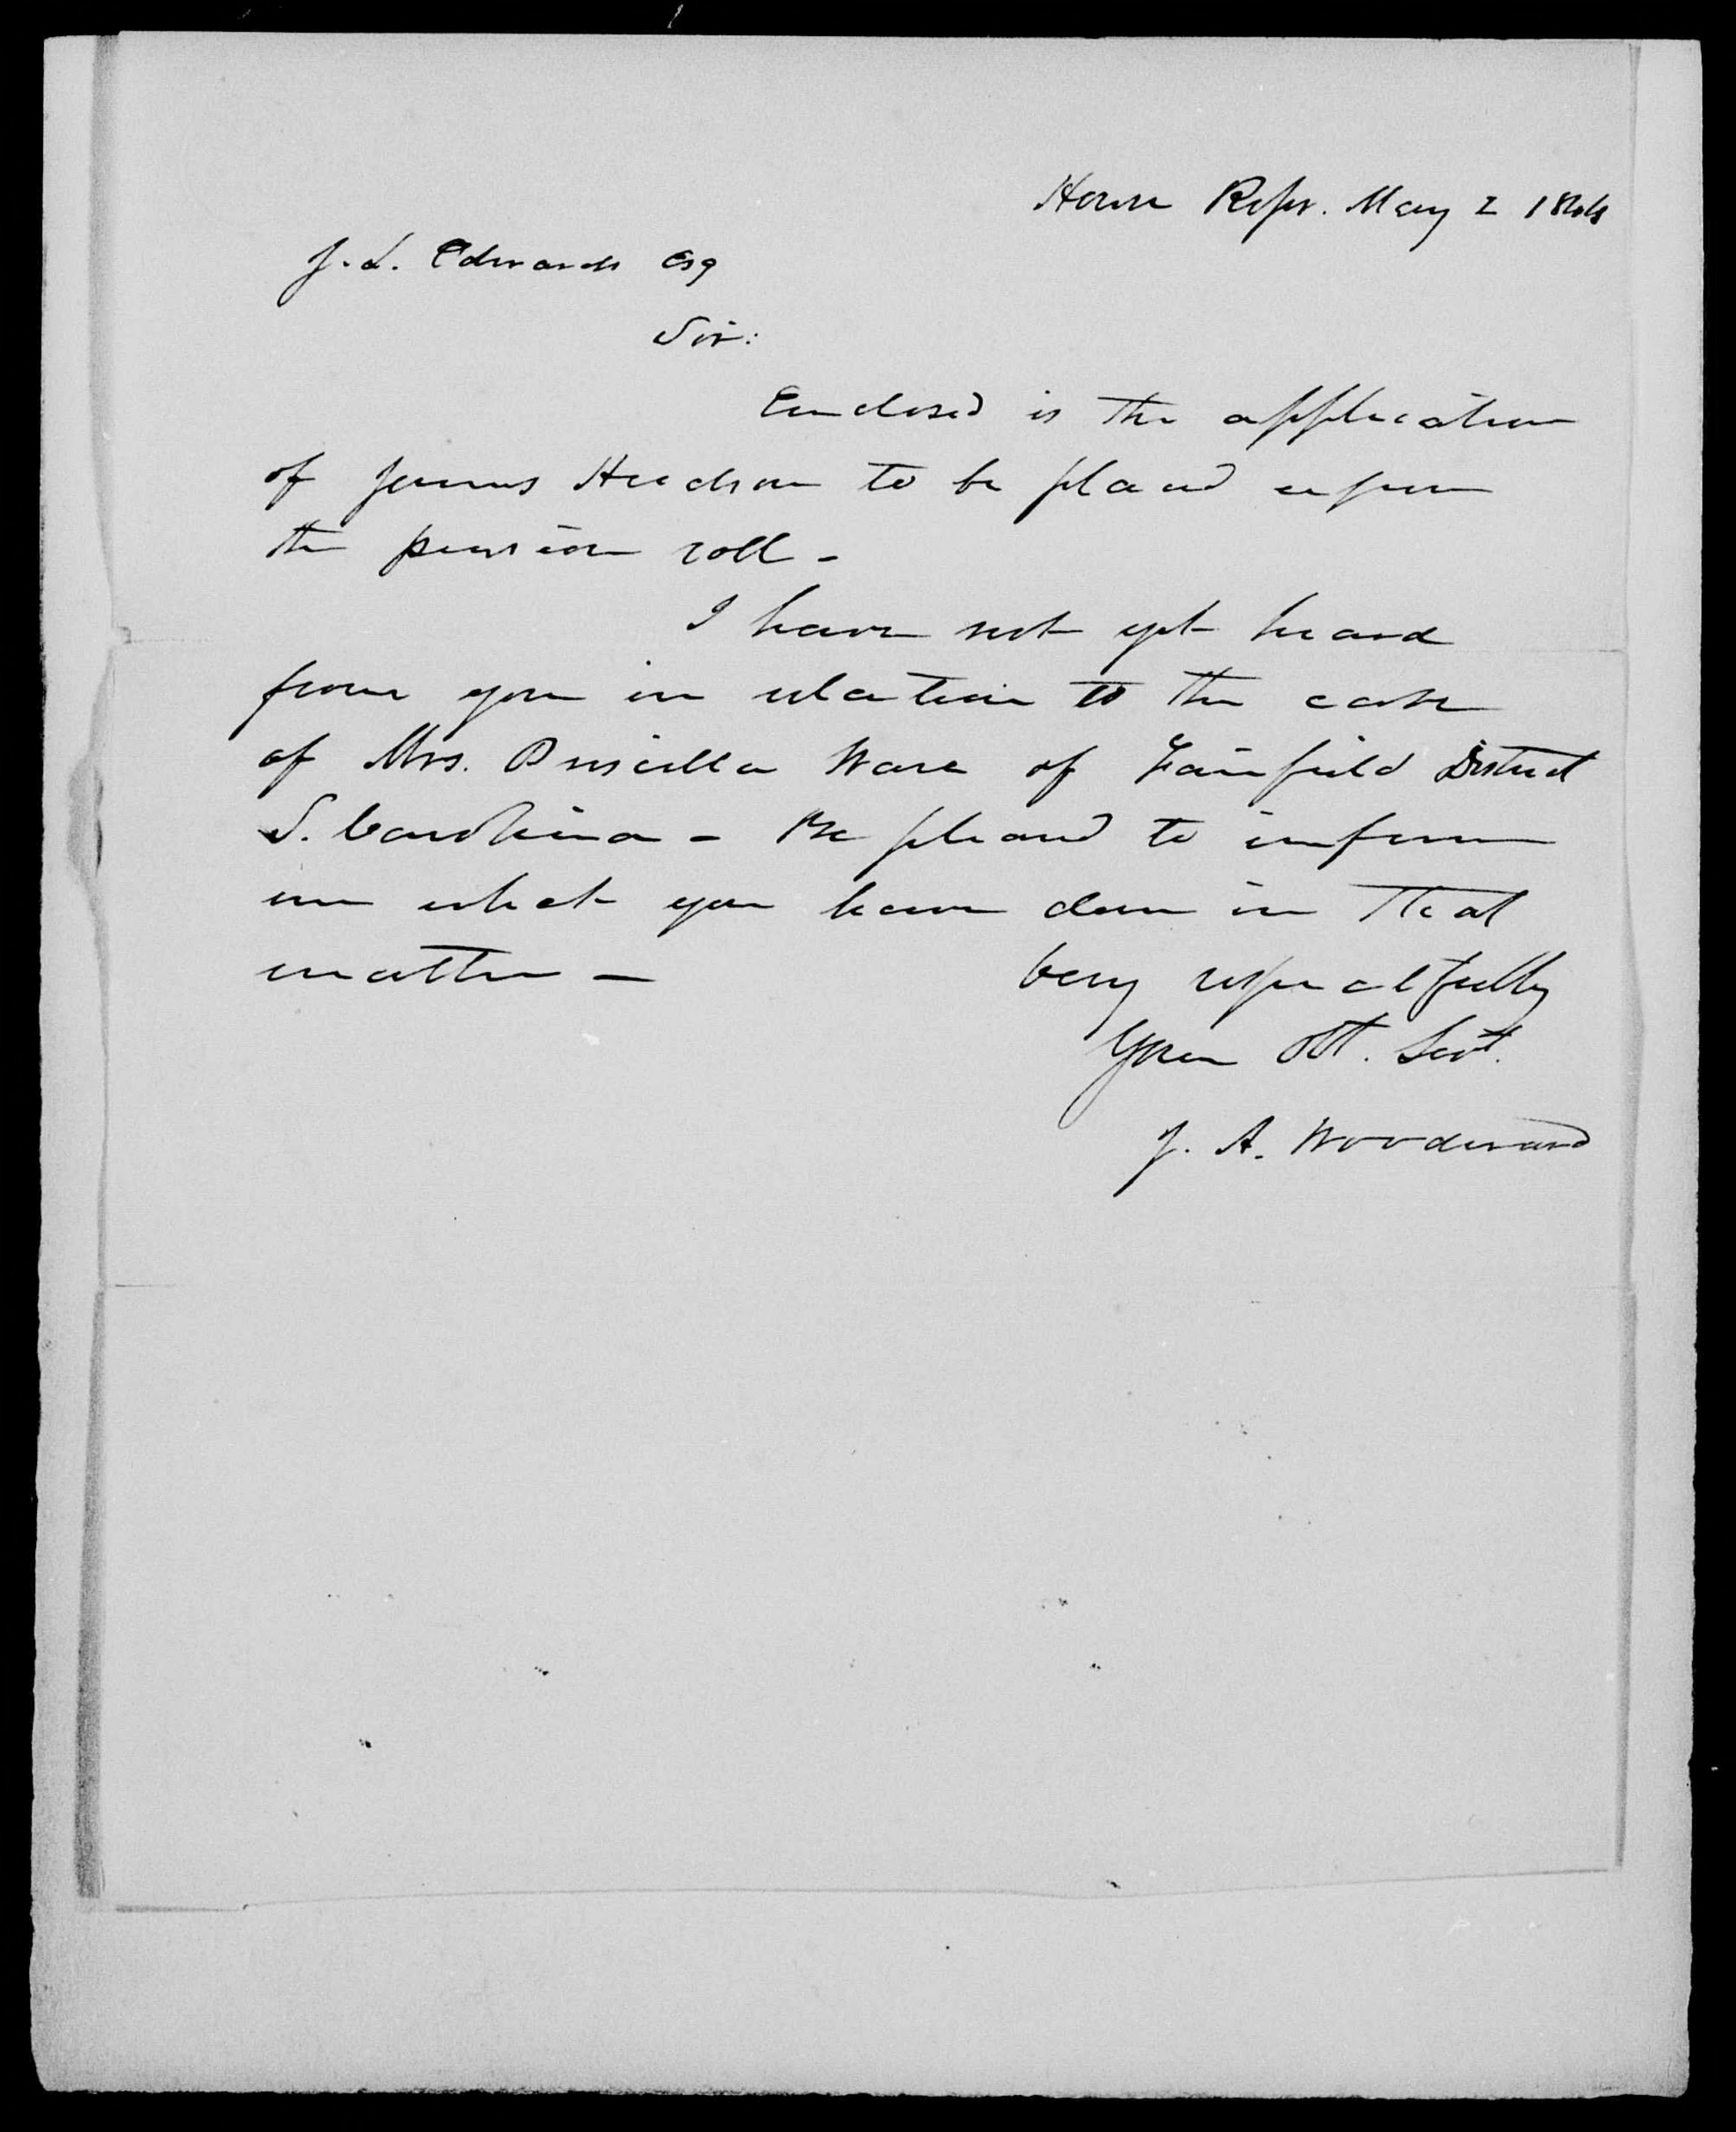House Refer. May 1 1844
J. L. Edwards Esq
Sir:
Enclosed is the application of James Hudson to be placed [...] the pension roll.
I have not yet heard from you in relation to the care of Mrs. Priscilla Ware of Fairfield District S. Carolina. Be [...] and to inform me what you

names: Priscilla, J L Edwards, James Hudson, J A Woodward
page: 24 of 33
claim: rejected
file: R. 5334, James Hudson, N.C.